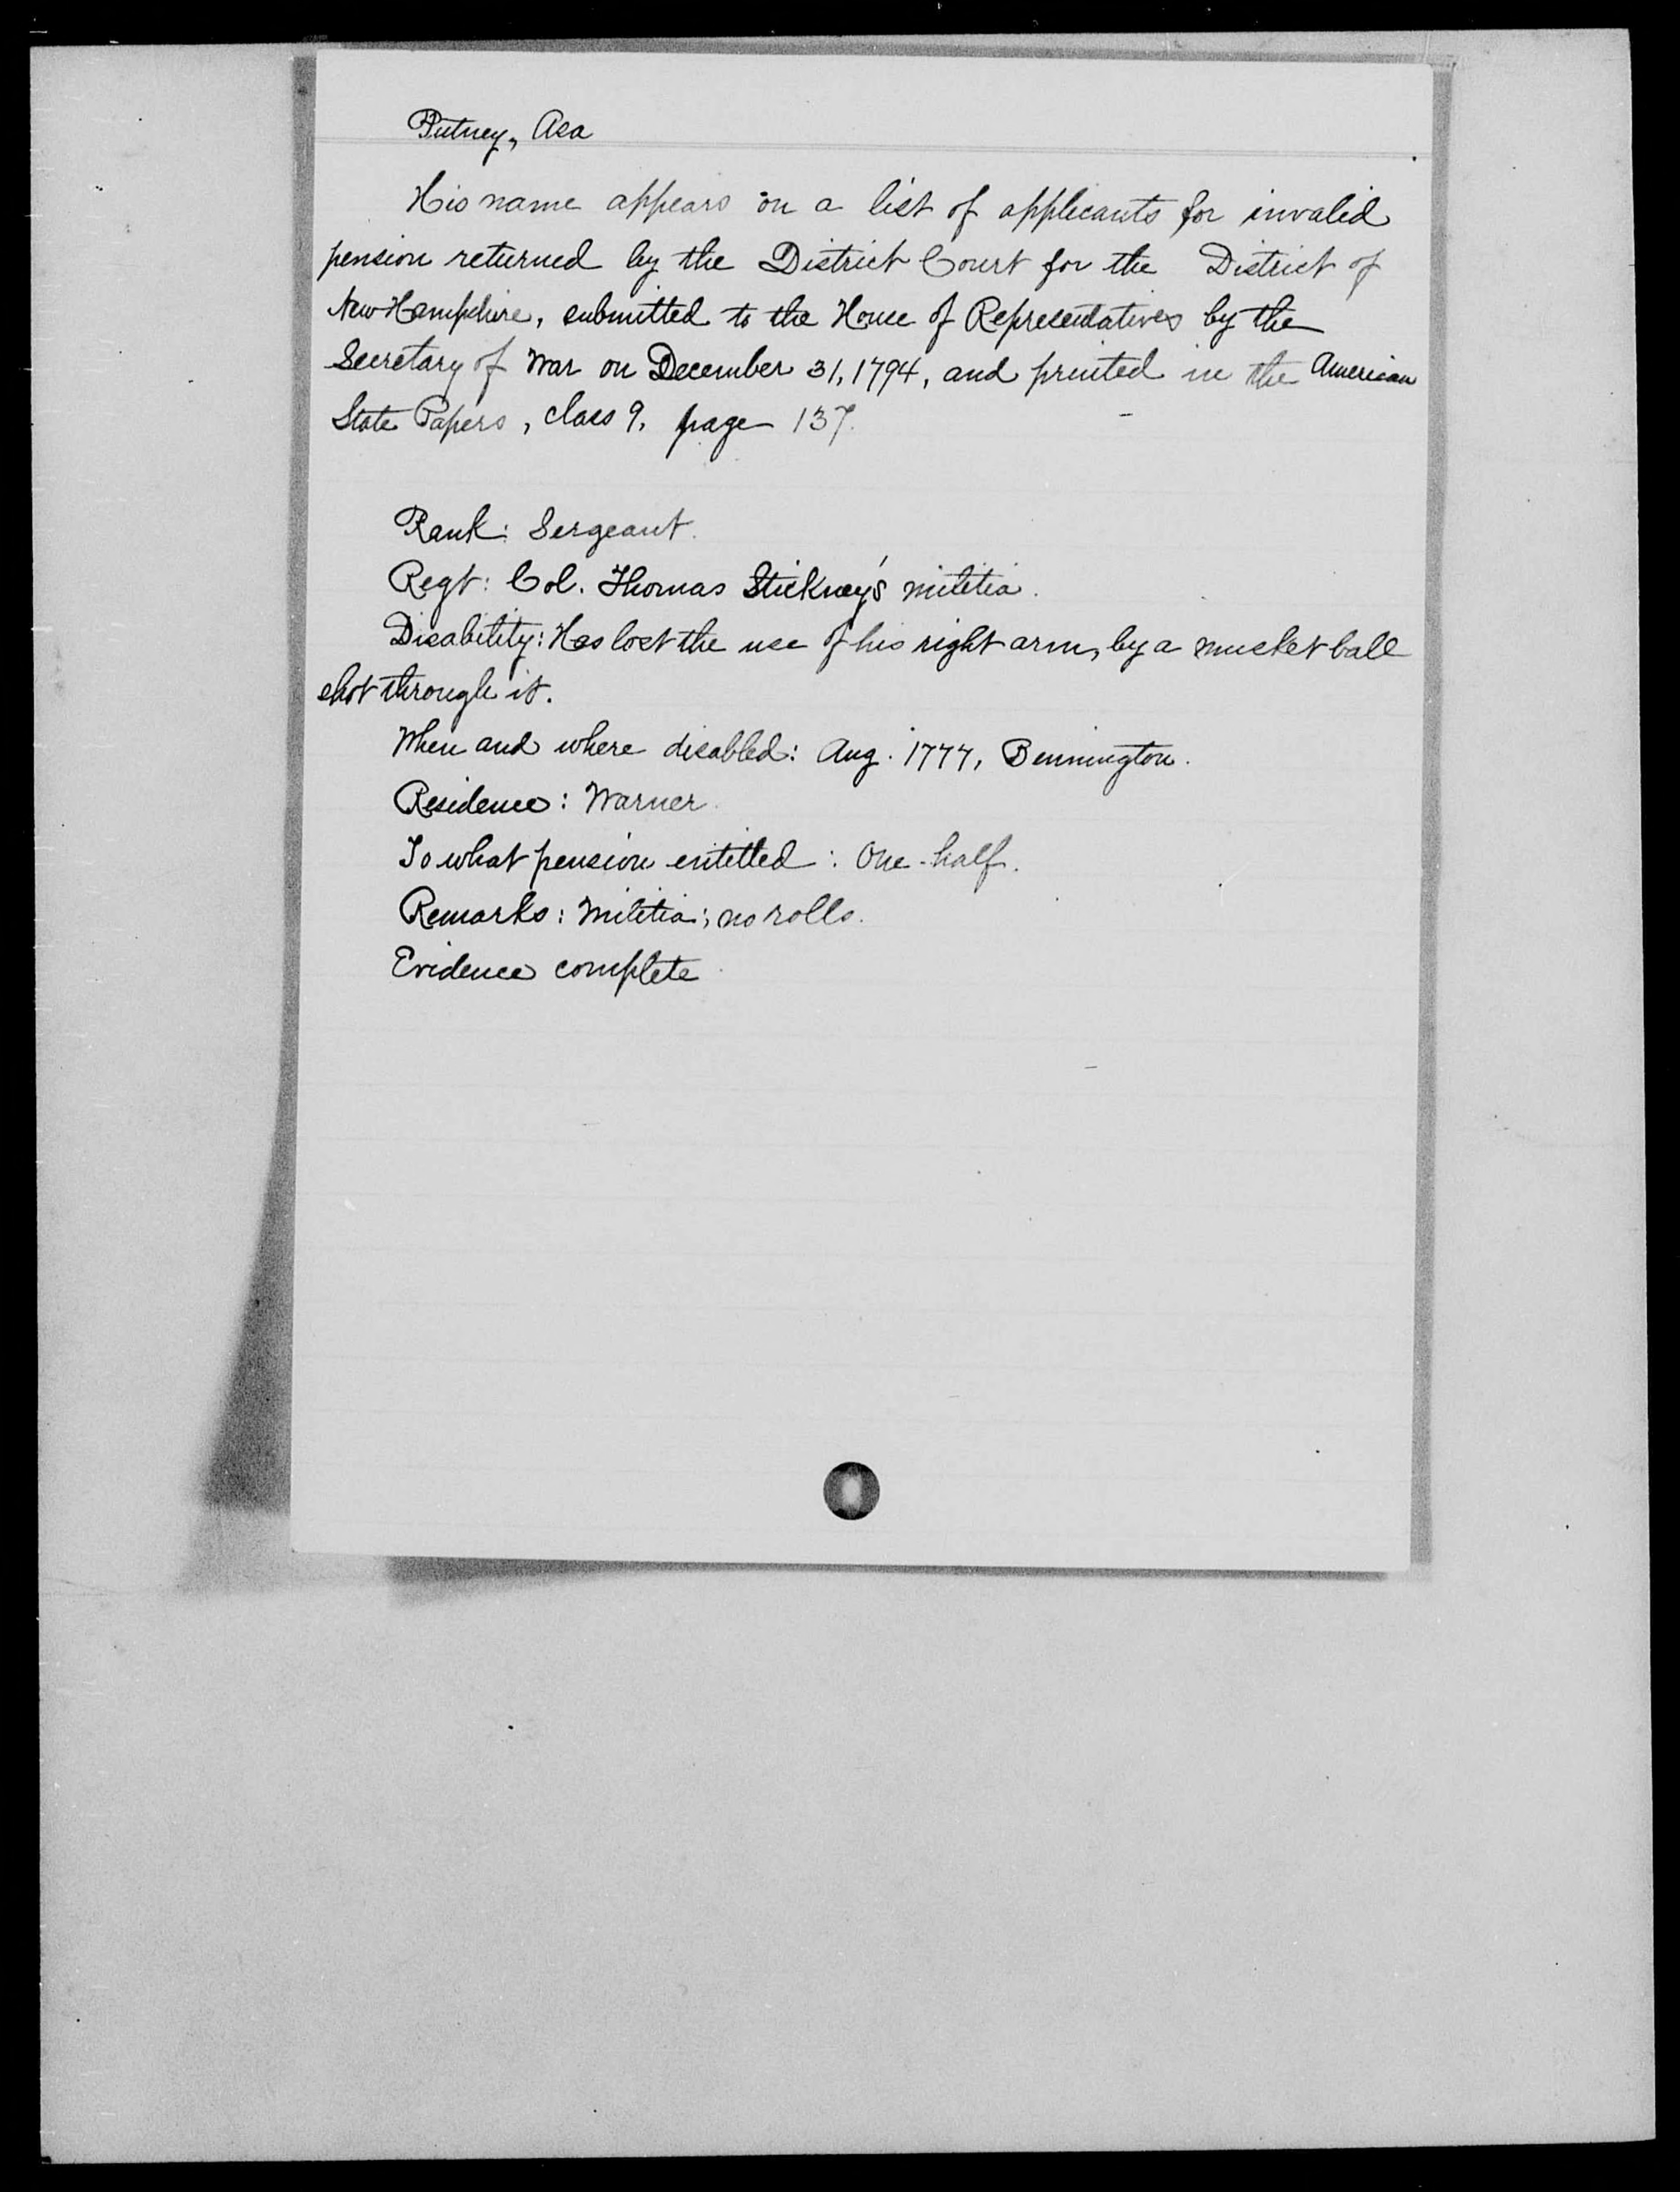Putney, Asa

His name appears on a list of applicants for invalid pension returned by the District Court for the District of New Hampshire, submitted to the House of Representatives by the Secretary of War on December 31, 1794, and printed in the American State Papers, class 9, page 137

Rank:  Sergeant
Regt:  Col. Thomas Stickney's Militia.
Disability:  Has lost the use of his right arm by a musket ball shot through it.
When and where disabled:  Aug. 1777, Bennington.
Residence:  Warner
To what pension entitled:  One-half
Remarks:  Militia; no rolls
Evidence complete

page: 3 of 14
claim: survivor's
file: S. 22943, for Asa Putney, New Hampshire